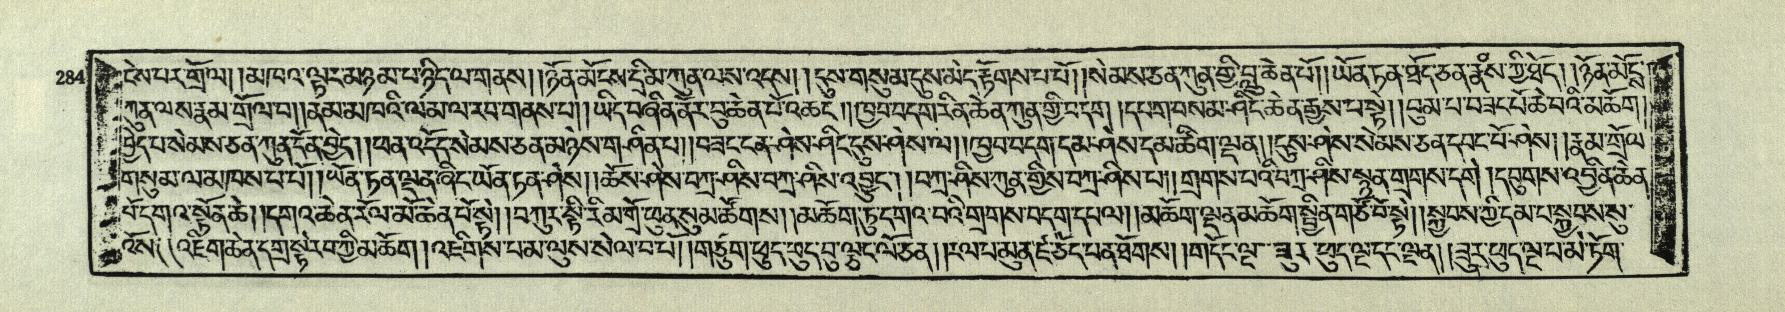ངེས་པར་གྲོལ། །མཁའ་ལྟར་མཉམ་པ་ཉིད་ལ་གནས། །ཉོན་མོངས་དྲི་མ་ཀུན་ལས་འདས། །དུས་གསུམ་དུས་མེད་རྟོགས་པ་པོ། །སེམས་ཅན་ཀུན་གྱི་བླུ་ཆེན་པོ། །ཡོན་ཏན་ཐོད་ཅན་རྣཾས་ཀྱི་ཐོད། །ཉོན་མོངས་
ཀུན་ལས་རྣམ་གྲོལ་བ། །ནམ་མཁའི་ལམ་ལ་རབ་གནས་པ། །ཡིད་བཞིན་ནོར་བུ་ཆེན་པོ་འཆང་། །ཁྱབ་བདག་རིན་ཆེན་ཀུན་གྱི་བདག །དཔག་བསམ་ཤིང་ཆེན་རྒྱས་པ་སྟེ། །བུམ་པ་བཟང་པོ་ཆེ་བའི་མཆོག །
བྱེད་པ་སེམས་ཅན་ཀུན་དོན་བྱེད། །ཕན་འདོད་སེམས་ཅན་མཉེས་གཤིན་པ། །བཟང་ངན་ཤེས་ཤིང་དུས་ཤེས་ལ། །ཁྱབ་བདག་དམ་ཤེས་དམ་ཚིག་ལྡན། །དུས་ཤེས་སེམས་ཅན་དབང་པོ་ཤེས། །རྣམ་གྲོལ་
གསུམ་ལ་མཁས་པ་པོ། །ཡོན་ཏན་ལྡན་ཞིང་ཡོན་ཏན་ཤེས། །ཆོས་ཤེས་བཀྲ་ཤིས་བཀྲ་ཤིས་འབྱུང་། །བཀྲ་ཤིས་ཀུན་གྱིས་བཀྲ་ཤིས་པ། །གྲགས་པའི་བཀྲ་ཤིས་སྙན་གྲགས་དགེ །དབུགས་འབྱིན་ཆེན་
པོ་དགའ་སྟོན་ཆེ། །དགའ་ཆེན་རོལ་མོ་ཆེན་པོ་སྟེ། །བཀུར་སྟི་རིམ་གྲོ་ཕུན་སུམ་ཚོགས། །མཆོག་ཏུ་དགའ་བའི་གྲགས་བདག་དཔལ། །མཆོག་ལྡན་མཆོག་སྦྱིན་གཙོ་བོ་སྟེ། །སྐྱབས་ཀྱི་དམ་པ་སྐྱབས་སུ་
འོས༑ ༑འཇིག་ཆེན་དགྲ་སྟེ་རབ་ཀྱི་མཆོག །འཇིགས་པ་མ་ལུས་སེལ་བ་པོ། །གཙུག་ཕུད་ཕུད་བུ་ལྕང་ལོ་ཅན། །རལ་པ་མུན་ཛ་ཅོད་པན་ཐོགས། །གདོང་ལྔ་ཟུར་ཕུད་ལྔ་དང་ལྡན། །ཟུར་ཕུད་ལྔ་པ་མེ་ཏོག་